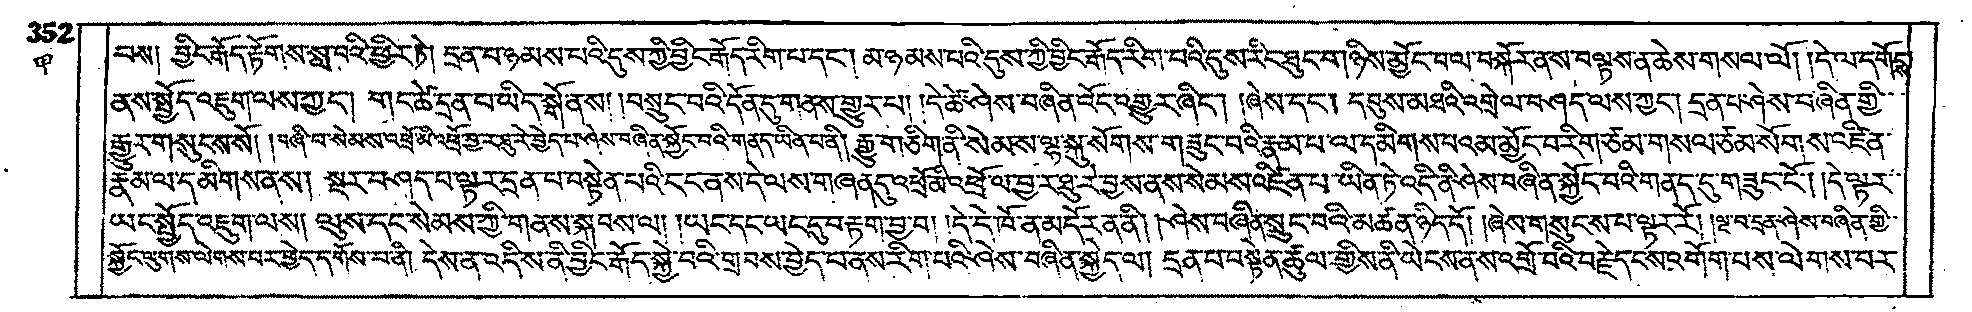པས། བྱིང་རྒོད་རྟོགས་སླ་བའི་ཕྱིར་ཏེ། དྲན་པ་ཉམས་པའི་དུས་ཀྱི་བྱིང་རྒོད་རིག་པ་དང་། མ་ཉམས་པའི་དུས་ཀྱི་བྱིང་རྒོད་རིག་པའི་དུས་རིང་ཐུང་གཉིས་མྱོང་བ་ལ་བསྐོར་ནས་བལྟས་ན་ཆེས་གསལ་ལོ། །དེ་ལ་དགོངས་
ནས་སྤྱོད་འཇུག་ལས་ཀྱང་། གང་ཚེ་དྲན་པ་ཡིད་སྒོ་ནས། །བསྲུང་བའི་དོན་དུ་གནས་གྱུར་པ། །དེ་ཚེ་ཤེས་བཞིན་འོང་འགྱུར་ཞིང་། །ཞེས་དང་། དབུས་མཐའི་འགྲེལ་བཤད་ལས་ཀྱང་། དྲན་པ་ཤེས་བཞིན་གྱི་
རྒྱུར་གསུངས་སོ། །བཞི་པ་སེམས་འཕྲོ་མོའི་འཕྲོ་བྱ་ར་ཐུ་རེ་བྱེད་པ་ཤེས་བཞིན་སྐྱོང་བའི་གནད་ཡིན་པ་ནི།  རྒྱུ་གཅིག་ནི་སེམས་ལྷ་སྐུ་སོགས་གཟུང་བའི་རྣམ་པ་ལ་དམིགས་པའམ་མྱོང་བ་རིག་ཙམ་གསལ་ཙམ་སོགས་འཛིན་
རྣམ་ལ་དམིགས་ནས། སྔར་བཤད་པ་ལྟར་དྲན་པ་བསྟེན་པའི་ངང་ནས་དེ་ལས་གཞན་དུ་འཕྲོ་མི་འཕྲོ་ལ་བྱ་ར་ཐུ་རེ་བྱས་ནས་སེམས་འཛིན་པ་ཡིན་ཏེ་འདི་ནི་ཤེས་བཞིན་སྐྱོང་བའི་གནད་དུ་གཟུང་ངོ། །དེ་ལྟར་
ཡང་སྤྱོད་འཇུག་ལས། ལུས་དང་སེམས་ཀྱི་གནས་སྐབས་ལ། །ཡང་དང་ཡང་དུ་བརྟག་བྱ་བ། །དེ་དེ་ཁོ་ན་མདོར་ན་ནི། །ཤེས་བཞིན་སྲུང་བའི་མཚན་ཉིད་དོ། །ཞེས་གསུངས་པ་ལྟར་རོ། །ལྔ་པ་དྲན་ཤེས་བཞིན་གྱི་
སྐྱོང་ལུགས་ལེགས་པར་ཕྱེད་དགོས་པ་ནི། དེས་ན་འདིས་ནི་བྱིང་རྒོད་སྐྱེ་བའི་གྲབས་བྱེད་པ་ནས་རིག་པའི་ཤེས་བཞིན་སྐྱེད་ལ། དྲན་པ་བསྟེན་ཚུལ་གྱིས་ནི་ཡེངས་ནས་འགྲོ་བའི་བརྗེད་ངས་འགོག་པས་ལེགས་པར་